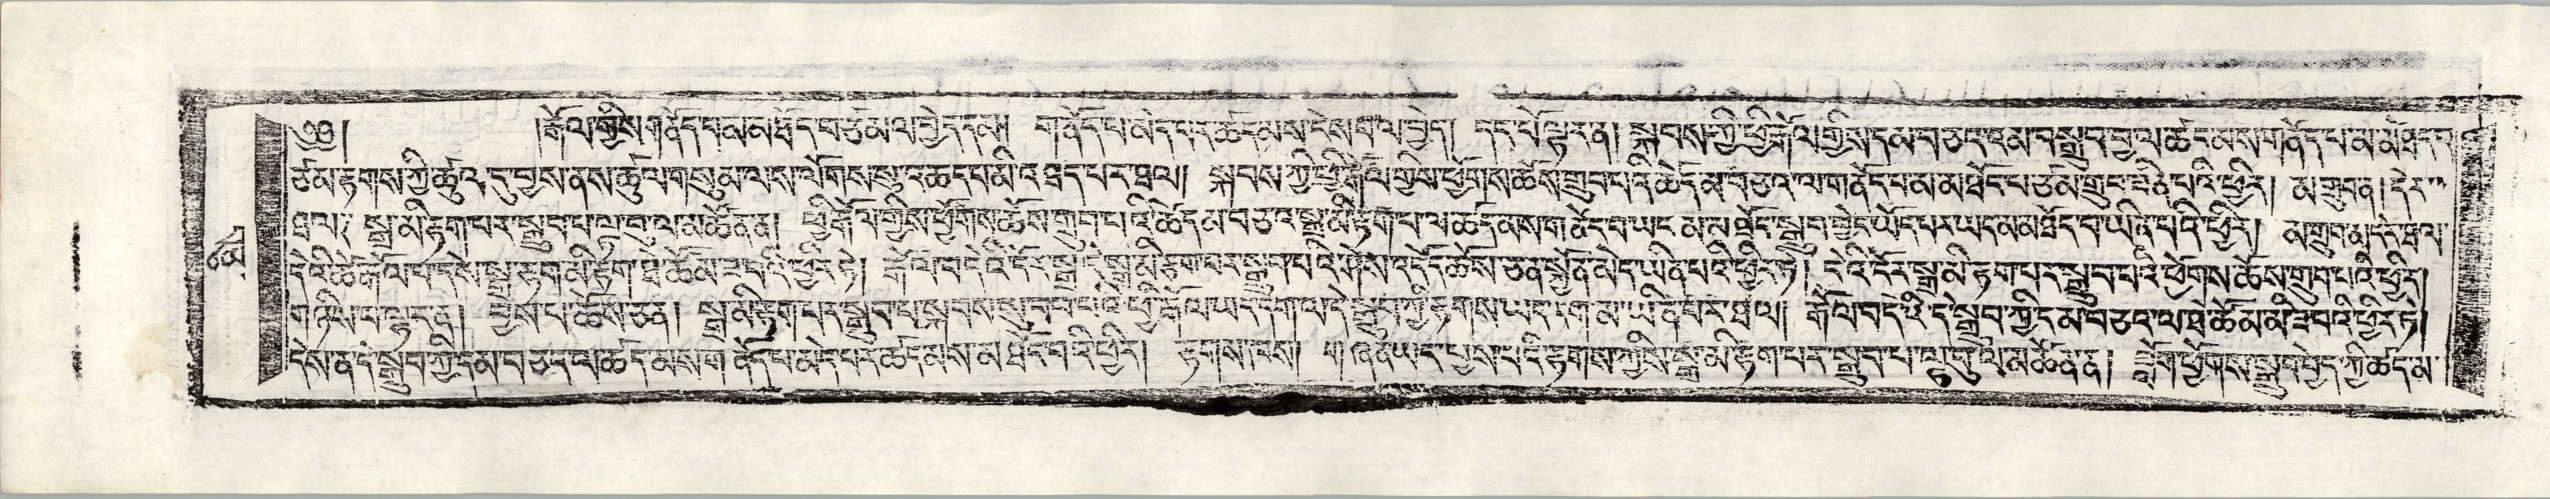༄༅། །རྒོལ་གྱིས་གནོད་པ་མ་མཐོང་བ་ཙམ་ལ་བྱེད་དམ། གནོད་པ་མེད་པར་ཚད་མས་ངེས་པ་ལ་བྱེད། དང་པོ་ལྟར་ན། སྐབས་ཀྱི་ཕྱི་རྒོལ་གྱིས་དམ་བཅའ་འམ་བསྒྲུབ་བྱ་ལ་ཚད་མས་གནོད་པ་མ་མཐོང་བ་
ཙམ་རྟགས་ཀྱི་ཚུལ་དུ་བྱས་ནས་ཚུལ་གསུམ་ལས་ལོགས་སུ་འཆད་པ་མི་འཐད་པར་ཐལ། སྐབས་ཀྱི་ཕྱི་རྒོལ་གྱིས་ཕྱོགས་ཆོས་གྲུབ་པའི་ཚེ་དམ་བཅའ་ལ་གནོད་པ་མ་མཐོང་བ་ཙམ་གྲུབ་ཟིན་པའི་ཕྱིར། མ་གྲུབ་ན། དེར་
ཐལ། སྒྲ་མི་རྟག་པར་སྒྲུབ་པ་ལྟ་བུ་ལ་མཚོན་ན། ཕྱི་རྒོལ་གྱིས་ཕྱོགས་ཆོས་གྲུབ་པའི་ཚེ་དམ་བཅའ་སྒྲ་མི་རྟག་པ་ལ་ཚད་མས་གནོད་པ་ཡང་མ་མཐོང་སྒྲུབ་བྱེད་ཡོད་པར་ཡང་མ་མཐོང་བ་ཡིན་པའི་ཕྱིར། མ་གྲུབ་ན་དེར་ཐལ།
དེའི་ཚེ་རྒོལ་བ་དེས་སྒྲ་རྟག་མི་རྟག་ཐེ་ཚོམ་ཟ་བའི་ཕྱིར་ཏེ། རྒོལ་བ་དེའི་ངོར་སྒྲ་དེ་སྒྲ་མི་རྟག་པར་སྒྲུབ་པའི་ཤེས་འདོད་ཆོས་ཅན་སྐྱོན་མེད་ཡིན་པའི་ཕྱིར་ཏེ། དེའི་ངོར་སྒྲ་མི་རྟག་པར་སྒྲུབ་པའི་ཕྱོགས་ཆོས་གྲུབ་པའི་ཕྱིར།
གཉིས་པ་ལྟར་ན། བྱས་པ་ཆོས་ཅན། སྒྲ་མི་རྟག་པར་སྒྲུབ་པ་སྐབས་སུ་བབ་པའི་ཕྱི་རྒོལ་ཡང་དག་ལ་དེ་སྒྲུབ་ཀྱི་རྟགས་ཡང་དག་མ་ཡིན་པར་ཐལ། རྒོལ་བ་དེའི་དེ་སྒྲུབ་ཀྱི་དམ་བཅའ་ལ་ཐེ་ཚོམ་མི་ཟ་བའི་ཕྱིར་ཏེ།
དེས་ན་དེ་སྒྲུབ་ཀྱི་དམ་བཅའ་ལ་ཚད་མས་གནོད་པ་མེད་པར་ཚད་མས་མཐོང་བའི་ཕྱིར། རྟགས་ཁས། གཞན་ཡང་བྱས་པའི་རྟགས་ཀྱིས་སྒྲ་མི་རྟག་པར་སྒྲུབ་པ་ལྟ་བུ་ལ་མཚོན་ན། ཟློག་ཕྱོགས་སྒྲུབ་བྱེད་ཀྱི་ཚད་མ་